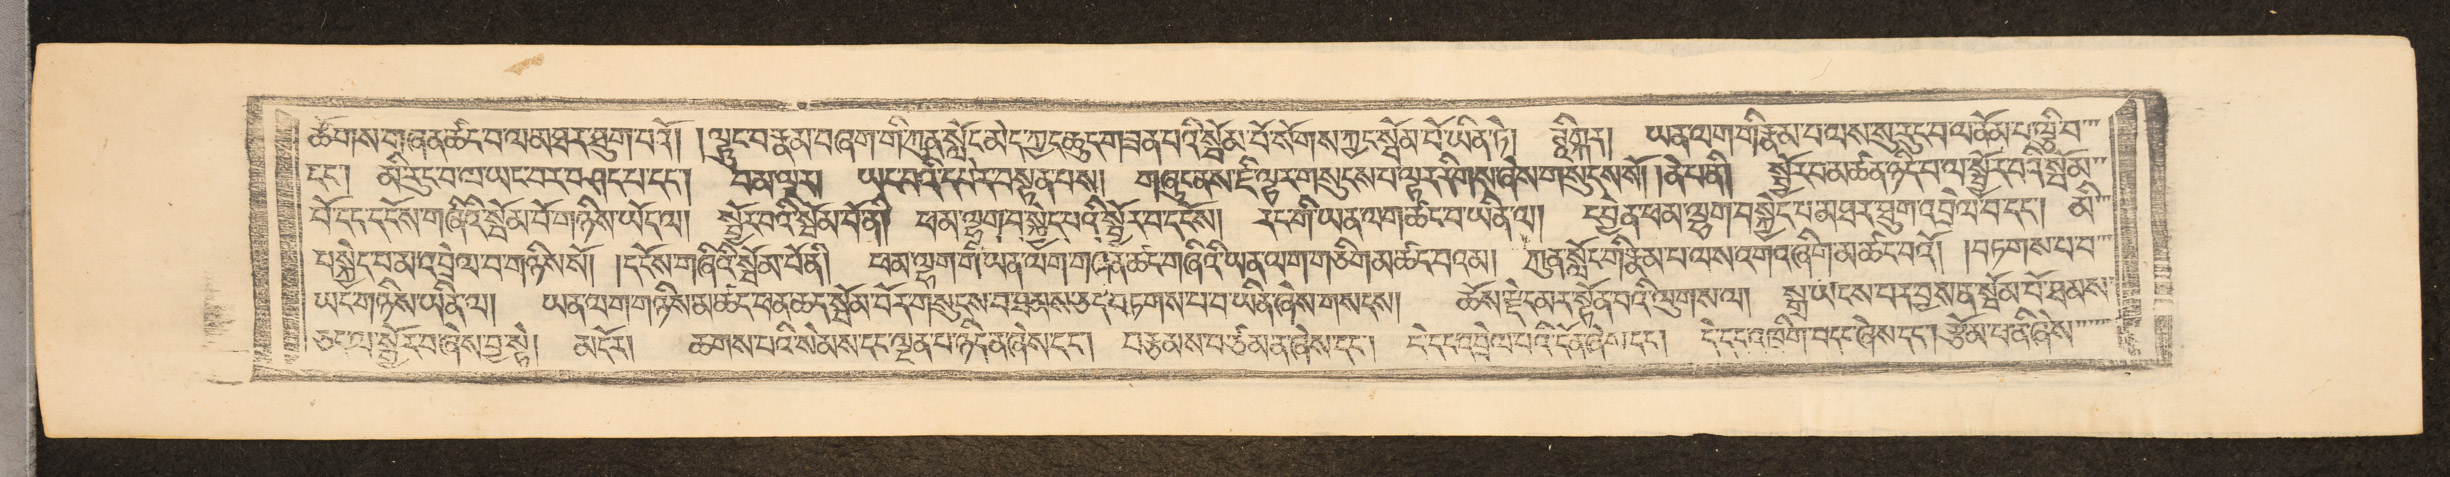ཚོགས་གཞན་ཚང་བ་ལ་མཐར་ཐུག་པའོ། །ལྟུང་བ་རྣམ་བཞག་གི་ཀུན་སློང་མེད་ཀྱང་ཆུད་གཟན་པའི་སྦོམ་པོ་སོགས་ཀྱང་སྦོམ་པོ་ཡིན་ཏེ། ཊཱིཀྐར། ཡན་ལག་གི་རྣམ་པ་ལས་སུ་རུང་བ་ལ་ནོམ་པ་ལྕི་བ་
དང་། མི་རུང་བ་ལ་ཡང་བར་བཤད་པ་དང་། བམ་ལྔར། ཡང་བའི་དཔེར་བསྟན་པས། གཞུང་ནས་ཇི་ལྟར་གསུངས་པ་ལྟར་རིགས་ཞེས་གསུངས་སོ། །ནེ་པ་ནི། སྦྱོར་བ་མཚན་ཉིད་པ་ལ་སྦྱོར་བའི་སྦོམ་
པོ་དང་དངོས་གཞིའི་སྦོམ་པོ་གཉིས་ཡོད་ལ། སྦྱོར་བའི་སྦོམ་པོ་ནི། ཕམ་ལྷག་བསྐྱེད་པའི་སྦྱོར་བ་དངོས། རང་གི་ཡན་ལག་ཚང་བ་ཡིན་ལ། དབྱེ་ན་ཕམ་ལྷག་བསྐྱེད་པ་མཐར་ཐུག་འབྲེལ་བ་དང་། མི་
བསྐྱེད་པ་མ་འབྲེལ་བ་གཉིས་སོ། །དངོས་གཞིའི་སྦོམ་པོ་ནི། ཕམ་ལྷག་གི་ཡན་ལག་གཞན་ཚང་གཞིའི་ཡན་ལག་གཅིག་མཚང་བའམ། ཀུན་སློང་གི་རྣམ་པ་ལས་འགའ་ཞིག་མ་ཚད་བའོ། །བཏགས་པ་བ་
ཡང་གཉིས་ཡིན་ལ། ཡན་ལག་གཉིས་མ་ཚང་ཕན་ཆད་སྦོམ་བོར་གསུངས་བ་ཐམས་ཅད་བཏགས་པ་བ་ཡིན་ཞེས་གསུངས། ཆོས་རྗེ་དམར་སྟོན་པའི་ལུགས་ལ། སྒྲ་ཡངས་པར་བྱས་ན་སྦོམ་པོ་ཐམས་
ཅད་ལ་སྦྱོར་བ་ཞེས་བྱ་སྟེ། མདོར། ཆགས་པའི་སེམས་དང་ལྡན་པ་ཉིད་ན་ཞེས་དང་། བརྩམས་པ་ཙམ་ན་ཞེས་དང་། དེ་དང་འབྲེལ་པའི་དོན་ཞེས་དང་། དེ་དང་འཁྲིག་པ་དང་ཞེས་དང་། རྩོམ་པ་ནི་ཞེས་